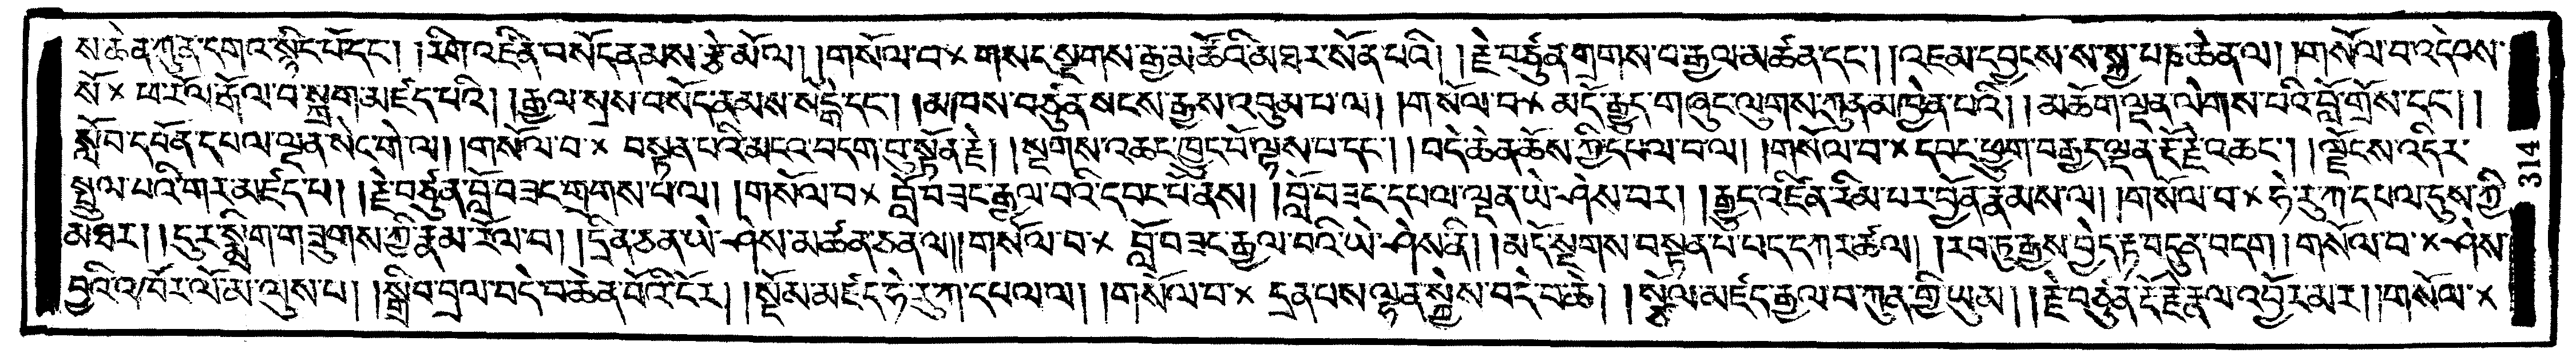ས་ཆེན་ཀུན་དགའ་སྙིང་པོ་དང་། །རིག་འཛིན་བསོད་ནམས་རྩེ་མོ་ལ། །གསོལ་བ་{྾}་གསང་སྔགས་རྒྱ་མཚོའི་མཐར་སོན་པའི། །རྗེ་བཙུན་གྲགས་པ་རྒྱལ་མཚན་དང་། །འཇམ་དབྱངས་ས་སྐྱ་པཎ་ཆེན་ལ། །གསོལ་བ་འདེབས་
སོ་{྾}་ཕ་རོལ་རྒོལ་བ་སྐྲག་མཛད་པའི། །རྒྱལ་སྲས་བསོད་ནམས་སེངྒེ་དང་། །མཁས་བཙུན་སངས་རྒྱས་འབུམ་པ་ལ། །གསོལ་བ་{྾}་མདོ་རྒྱུད་གཞུང་ལུགས་ཀུན་མཁྱེན་པའི། །མཆོག་ལྡན་ལེགས་པའི་བློ་གྲོས་དང་། །
སློབ་དཔོན་དཔལ་ལྡན་སེང་གེ་ལ། །གསོལ་བ་{྾}་བསྟན་པའི་མངའ་བདག་བུ་སྟོན་རྗེ། །སྔགས་འཆང་ཁྱུང་པོ་ལྷས་པ་དང་། །བདེ་ཆེན་ཆོས་ཀྱི་དཔལ་བ་ལ། །གསོལ་བ་{྾}་དབང་ཕྱུག་བརྒྱད་ལྡན་རྡོ་རྗེ་འཆང་། །ལྗོངས་འདིར་
སྤྲུལ་པའི་གར་མཛད་པ། །རྗེ་བཙུན་བློ་བཟང་གྲགས་པ་ལ། །གསོལ་བ་{྾}་བློ་བཟང་རྒྱལ་བའི་དབང་པོ་ནས། །བློ་བཟང་དཔལ་ལྡན་ཡེ་ཤེས་བར། །རྒྱུད་འཛིན་རིམ་པར་བྱོན་རྣམས་ལ། །གསོལ་བ་{྾}་ཧེ་རུ་ཀ་དཔལ་དུས་ཀྱི་
མཐར། །ངུར་སྨྲིག་གཟུགས་ཀྱི་རྣམ་རོལ་བ། །དྲིན་ཅན་ཡེ་ཤེས་མཚན་ཅན་ལ། །གསོལ་བ་{྾}་བློ་བཟང་རྒྱལ་བའི་ཡེ་ཤེས་ནི། །མདོ་སྔགས་བསྟན་པ་པད་དཀར་ཚལ། །རབ་ཏུ་རྒྱས་བྱེད་རྟ་བདུན་བདག །གསོལ་བ་{྾}་ཤེས་
བྱའི་འཁོར་ལོ་མ་ལུས་པ། །སྒྲིབ་བྲལ་བདེ་བ་ཆེན་པོའི་ངོར། །སྡོམ་མཛད་ཧེ་རུ་ཀ་དཔལ་ལ། །གསོལ་བ་{྾}་དྲན་པས་ལྷན་སྐྱེས་བདེ་བ་ཆེ། །སྩོལ་མཛད་རྒྱལ་བ་ཀུན་གྱི་ཡུམ། །རྗེ་བཙུན་རྡོ་རྗེ་རྣལ་འབྱོར་མར། །གསོལ་{྾}